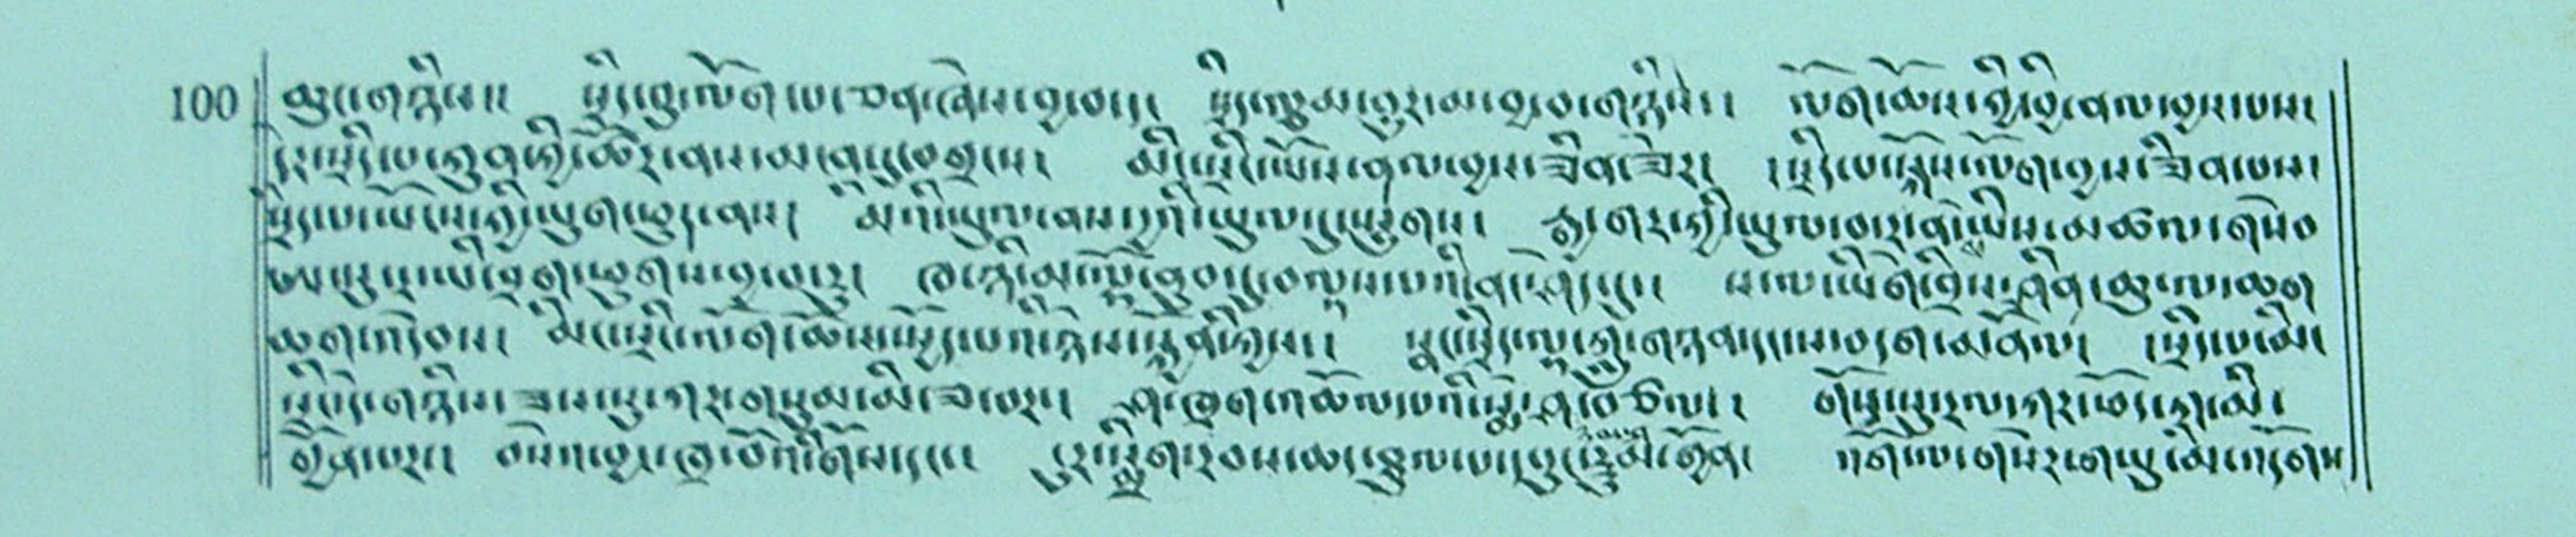ཆུང་གཉིས། སྲིད་བུ་ལོག་པ་ཅན་ཞེས་བྱ་བ་དང་། སྲིད་ལྕམ་བྱུར་མ་བྱ་བ་གཉིས། ལོག་ཆོས་ཀྱི་བྱི་ནལ་བྱས་པས། 
དེར་སྲིད་པ་ཀུན་ཀྱི་ཚོར་ནས་མངན་དུ་བགྲངས། མིང་སྲིང་སྤོས་ནལ་བྱས་ཟིན་ཟེར། སྲིད་པ་སྐོས་ལོག་བྱས་ཟིན་པས། 
སྲིད་པ་ཡོངས་ཀྱི་ཡུག་ཕུད་ནས། མིའི་ཡུལ་ནས་རྒྱའི་ཡུལ་དུ་སྤྱུགས། རྒྱ་གར་གྱི་ཡུལ་ཝ་ར་ན་སེ་ཡིས། འཚལ་གསེབ་
ཨ་སུ་རའི་བྲག་ཕུག་བྱ་བ་རུ། ཁ་ཉི་མ་ལྷོ་ནུབ་དུ་བལྟས་པའི་ནང་ཤེད་དུ། ས་ལ་ཡི་གེ་བྲིས་ཤིན་ཆུ་མ་ཆག་
ཆག་འདེབས། མིང་སྲིང་ལོག་ཆོས་སྤྱོད་པའི་ཉེས་སྐྱོན་གྱིས། སྣང་སྲིད་ལྷ་ཀླུ་གཉན་དང་ས་བདག་མནོལ། སྲིད་པ་མིང་
སྲིང་དེ་གཉིས་ཀྱི་ཟས་སུ་དཀར་གསུམ་མི་ཟ་བར། ཤ་ཁྲག་འཆོལ་བའི་སྨེ་ཤ་ཉམ་ཤ་བཙལ། གོས་སུ་རས་དཀར་ཕོད་ཀ་མི་
གྱོན་པར། བསེ་བྱང་ཁྲ་བོའི་གོས་དང་། ངུར་སྨྲིག་རབས་ཆད་ཐུམ་པ་དཔུང་ཟླུམ་གྱོན། འགོ་ལ་གསེར་གཡུ་མི་འདོགས་